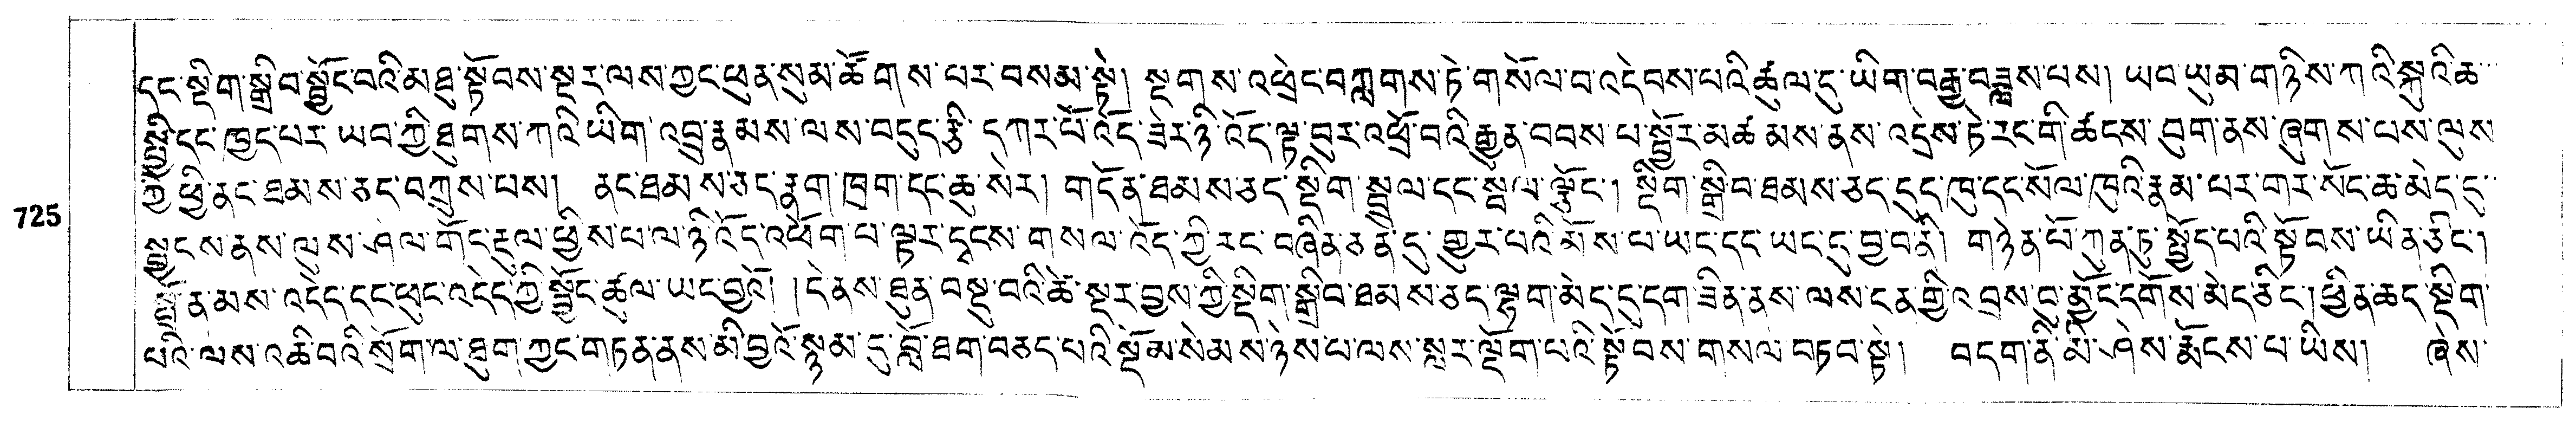དང་སྡིག་སྒྲིབ་སྦྱོང་བའི་མཐུ་སྟོབས་སྔར་ལས་ཀྱང་ཕུན་སུམ་ཚོགས་པར་བསམ་སྟེ། སྔགས་འཕྲེང་བཀླགས་ཏེ་གསོལ་བ་འདེབས་པའི་ཚུལ་དུ་ཡིག་བརྒྱ་བཟླས་པས། ཡབ་ཡུམ་གཉིས་ཀའི་སྐུའི་ཆ་
སྤྱི་དང་ཁྱད་པར་ཡབ་ཀྱི་ཐུགས་ཀའི་ཡིག་འབྲུ་རྣམས་ལས་བདུད་རྩི་དཀར་པོ་འོད་ཟེར་ཉི་འོད་ལྟ་བུར་འཕྲོ་བའི་རྒྱུན་བབས་པ་སྦྱོར་མཚམས་ནས་འདྲེས་ཏེ་རང་གི་ཚངས་བུག་ནས་ཞུགས་པས་ལུས་
ཀྱི་ཕྱི་ནང་ཐམས་ཅད་བཀྲུས་པས། ནང་ཐམས་ཅད་རྣག་ཁྲག་དང་ཆུ་སེར། གདོན་ཐམས་ཅད་སྡིག་སྦྲུལ་དང་སྦལ་ལྕོང་། སྡིག་སྒྲིབ་ཐམས་ཅད་དུད་ཁུ་དང་སོལ་ཁུའི་རྣམ་པར་གར་སོང་ཆ་མེད་དུ་
སྦྱངས་ནས་ལུས་ཤེལ་གོང་རྡུལ་ཕྱིས་པ་ལ་ཉི་འོད་འཕོག་པ་ལྟར་དྭངས་གསལ་འོད་ཀྱི་རང་བཞིན་ཅན་དུ་གྱུར་པའི་མོས་པ་ཡང་དང་ཡང་དུ་བྱ་བ་ནི། གཉེན་པོ་ཀུན་ཏུ་སྤྱོད་པའི་སྟོབས་ཡིན་ཅིང་།
སྤྲོ་ན་མས་འདེད་དང་ཕུང་འདེད་ཀྱི་སྦྱོང་ཚུལ་ཡང་བྱའོ། །དེ་ནས་ཐུན་བསྡུ་བའི་ཚེ་སྔར་བྱས་ཀྱི་སྡིག་སྒྲིབ་ཐམས་ཅད་ལྷག་མེད་དུ་དག་ཟིན་ནས་ལས་ངན་གྱི་འབྲས་བུ་མྱོང་དགོས་མེད་ཅིང་། ཕྱིན་ཆད་སྡིག་
པའི་ལས་འཆི་བའི་སྲོག་ལ་ཐུག་ཀྱང་གཏན་ནས་མི་བྱའོ་སྙམ་དུ་བློ་ཐག་བཅད་པའི་སྡོམ་སེམས་ཉེས་པ་ལས་སླར་ལྡོག་པའི་སྟོབས་གསལ་བཏབ་སྟེ། བདག་ནི་མི་ཤེས་རྨོངས་པ་ཡིས། ཞེས་